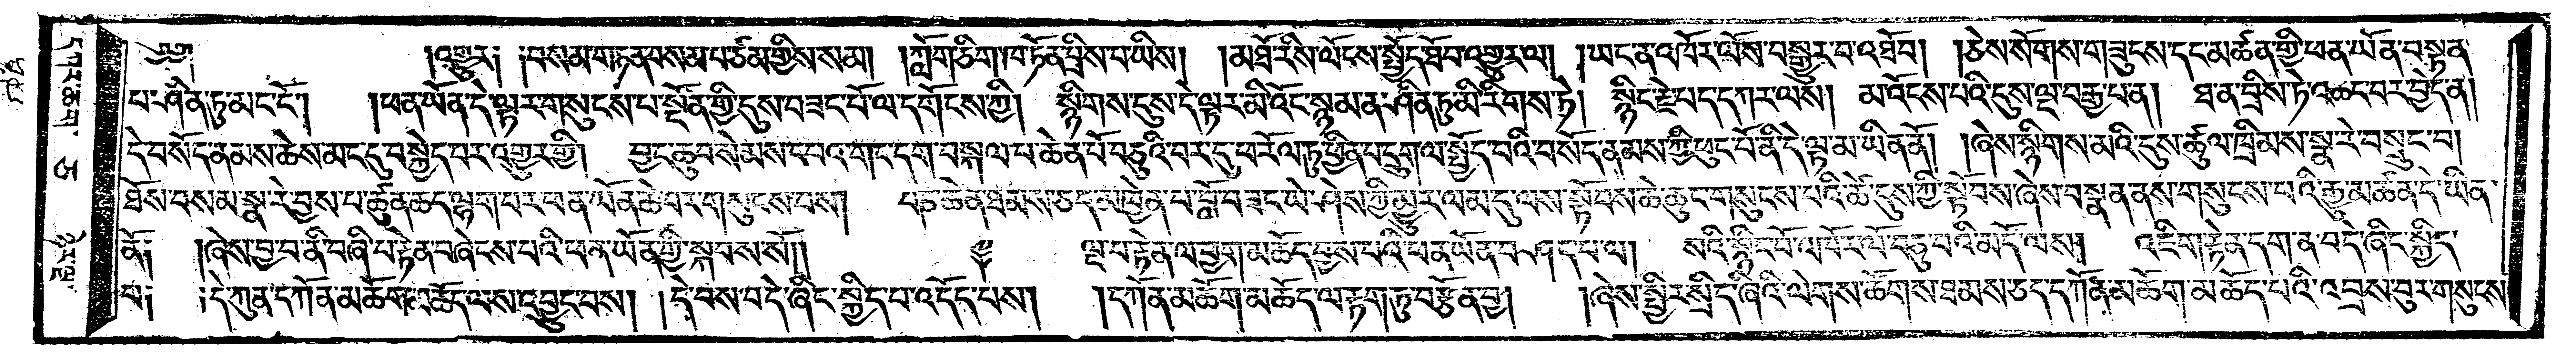༄༅། །འགྱུར༑ ༑བསམ་གཏན་བསམ་པ་ཙམ་གྱིས་སམ། །ཀློག་ཅིག་ཁ་ཏོན་བྲིས་པ་ཡིས། །མཐོ་རིས་ལོངས་སྤྱོད་ཐོབ་འགྱུར་ལ། །ཡང་ན་འཁོར་ལོས་བསྒྱུར་བ་འཐོབ། །ཅེས་སོགས་གཟུངས་དང་མཚན་གྱི་ཕན་ཡོན་བསྟན་
བ་ཤིན་ཏུ་མང་ངོ། །ཕན་ཡོན་དེ་ལྟར་གསུངས་པ་སྔོན་གྱི་དུས་བཟང་པོ་ལ་དགོངས་ཀྱི། སྙིགས་དུས་དེ་ལྟར་མི་འོང་སྙམ་ན་ཤིན་ཏུ་མི་རིགས་ཏེ། སྙིང་རྗེ་པད་དཀར་ལས། མ་འོངས་པའི་དུས་ལྔ་བརྒྱ་པ་ན། ཐ་ན་བྲིས་ཏེ་འཆང་བར་བྱེད་ན།
དེ་བསོད་ནམས་ཆེས་མང་དུ་བསྐྱེད་བར་འགྱུར་གྱི། བྱང་ཆུབ་སེམས་དཔའ་གང་དག་བསྐལ་པ་ཆེན་པོ་བཅུའི་བར་དུ་ཕ་རོལ་ཏུ་ཕྱིན་པ་དྲུག་ལ་སྤྱོད་པའི་བསོད་ནམས་ཀྱི་ཕུང་པོ་ནི་དེ་ལྟ་མ་ཡིན་ནོ། །ཞེས་སྙིགས་མའི་དུས་ཚུལ་ཁྲིམས་སྣ་རེ་བསྲུང་བ།
ཐོས་བསམ་སྣ་རེ་བྱས་པ་ཚུན་ཆད་ལྷག་པར་ཕན་ཡོན་ཆེ་བར་གསུངས་པས། པཎ་ཆེན་ཐམས་ཅད་མཁྱེན་པ་བློ་བཟང་ཡེ་ཤེས་ཀྱི་མྱུར་ལམ་དུ་ལས་སྟོབས་ཆེ་ཆུང་གསུངས་པའི་ཚེ་དུས་ཀྱི་སྟོབས་ཞེས་བསྣན་ནས་གསུངས་པའི་རྒྱུ་མཚན་དེ་ཡིན་
ནོ༑ །ཞེས་བྱ་བ་ནི་བཞི་བརྟེན་བཞེངས་པའི་ཕན་ཡོན་གྱི་སྐབས་སོ། ། ༈ ལྔ་པ་རྟེན་ལ་ཕྱག་མཆོད་བྱས་པའི་ཕན་ཡོན་བཤད་པ་ལ། སའི་སྙིང་པོ་འཁོར་ལོ་བཅུ་པའི་མདོ་ལས། འཇིག་རྟེན་དག་ན་བདེ་ཞིང་སྐྱིད་
པ༑ །དེ་ཀུན་དཀོན་མཆོག་མཆོད་ལས་འབྱུང་བས། །དེ་བས་བདེ་ཞིང་སྐྱིད་པ་འདོད་པས། །དཀོན་མཆོག་མཆོད་ལ་རྟག་ཏུ་བརྩོན་བྱ། །ཞེས་སྤྱིར་སྲིད་ཞིའི་ལེགས་ཚོགས་ཐམས་ཅད་དཀོན་མཆོག་མཆོད་པའི་འབྲས་བུར་གསུངས་